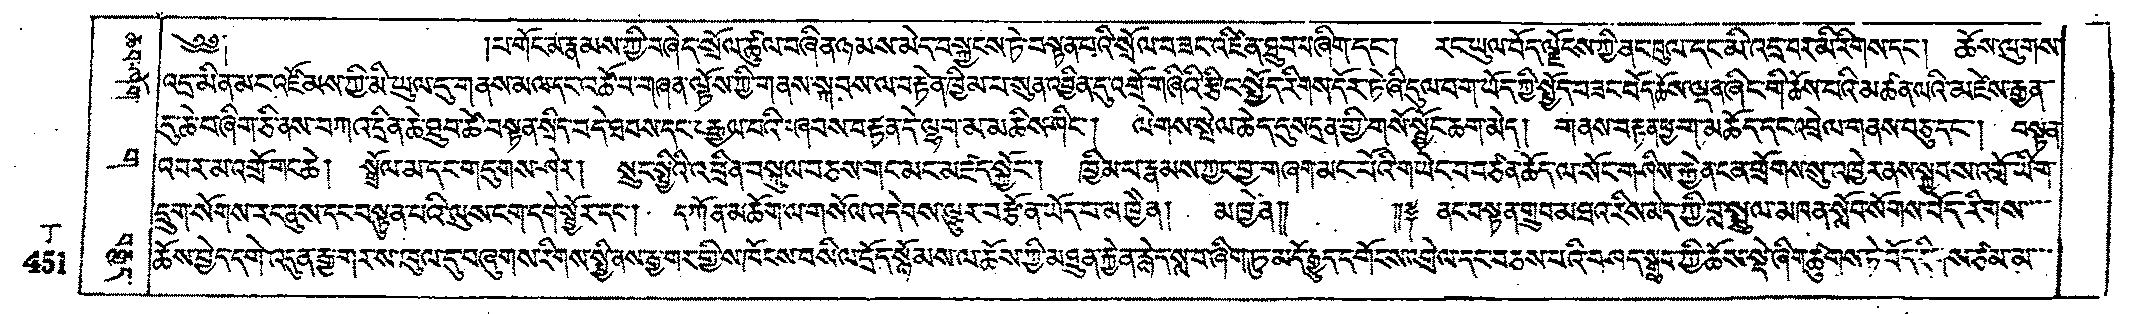༄༅། །པ་གོང་མ་རྣམས་ཀྱི་བཞེད་སྲོལ་ཚུལ་བཞིན་ཉམས་མེད་བསྐྱངས་ཏེ་བསྟན་པའི་སྲོལ་བཟང་འཛིན་ཐུབ་པ་ཞིག་དང་། རང་ཡུལ་བོད་ལྗོངས་ཀྱི་ནང་ཁུལ་དང་མི་འདྲ་བར་མི་རིགས་དང་། ཆོས་ལུགས་
འདྲ་མིན་མང་འཛོམས་ཀྱི་མི་ཡུལ་དུ་གནས་མལ་དང་འཚོ་བ་གཞན་ལྟོས་ཀྱི་གནས་སྐབས་ལ་བརྟེན་ཁྱིམ་པ་སུན་འབྱིན་དུ་འགྲོ་གཞིའི་རྩིང་སྤྱོད་རིགས་དོར་ཏེ་ཞི་དུལ་བག་ཡོད་ཀྱི་སྤྱོད་བཟང་བོད་ཆོས་ལྡན་ཞིང་གི་ཆོས་པའི་མཚན་ལའི་མཛེས་རྒྱན་་་
དུ་ཆེ་བ་ཞིག་ཅི་ནས་བཀའ་དྲིན་ཆེ་ཐུབ་ཚེ་བསྟན་སྲིད་བདེ་ཐབས་དང ༧རྒྱལ་བའི ༧ཞབས་བརྟན་དེ་ལྷག་མ་མཆིས་ཤིང་། ལེགས་སྤེལ་ཆེད་དུས་དྲན་གྱི་གསོ་སྦྱོང་ཆག་མེད། གནས་བརྟན་ཕྱག་མཆོད་དང་འབྲེལ་གནས་བཅུ་དང་། བསྟན་
འབར་མ་འགྲོ་གང་ཆེ། སྒྲོལ་མ་དང་གདུགས་ཤེར། སྲུང་སྤྱིའི་འཕྲིན་བསྐུལ་བཅས་གང་མང་མཛད་སྐྱོང་། ཁྱིམ་པ་རྣམས་ཀྱང་བྱ་གཞག་མང་པོའི་གཡེང་བ་བཙན་ཆོད་ལ་སོང་གཤིས་རྐྱེན་ངན་གྲོགས་སུ་འཁྱེར་ནས་སྐྱབས་འགྲོ་ཡིག་
དྲུག་སོགས་རང་ནུས་དང་བསྟུན་པའི་ལུས་ངག་དགེ་སྦྱོར་དང་། དཀོན་མཆོག་ལ་གསོལ་འདེབས་ལྷུར་བརྩོན་ཡོད་པ་མཁྱཻན། མཁྱེན།། །། འ་ནང་བསྟན་གྲུབ་མཐའ་རིས་མེད་ཀྱི་བླ་སྤྲུལ་མཁན་སློབ་སོགས་བོད་རིགས་་་
ཆོས་བྱེད་དགེ་འདུན་རྒྱ་གར་ས་ཁུལ་དུ་བཞུགས་རིགས་སྤྱི་ནས་རྒྱ་གར་གྱི་ས་ཁོངས་བསིལ་དྲོད་སྙོམས་ལ་ཆོས་ཀྱི་མཐུན་རྐྱེན་རྙེད་སླ་བ་ཞིག་ཏུ་མདོ་རྒྱུད་དགོངས་འགྲེལ་དང་བཅས་པའི་བཤད་སྒྲུབ་ཀྱི་ཆོས་སྡེ་ཞིག་ཚུགས་ཏེ་བོད་རིགས་ཙམ་མ་་་